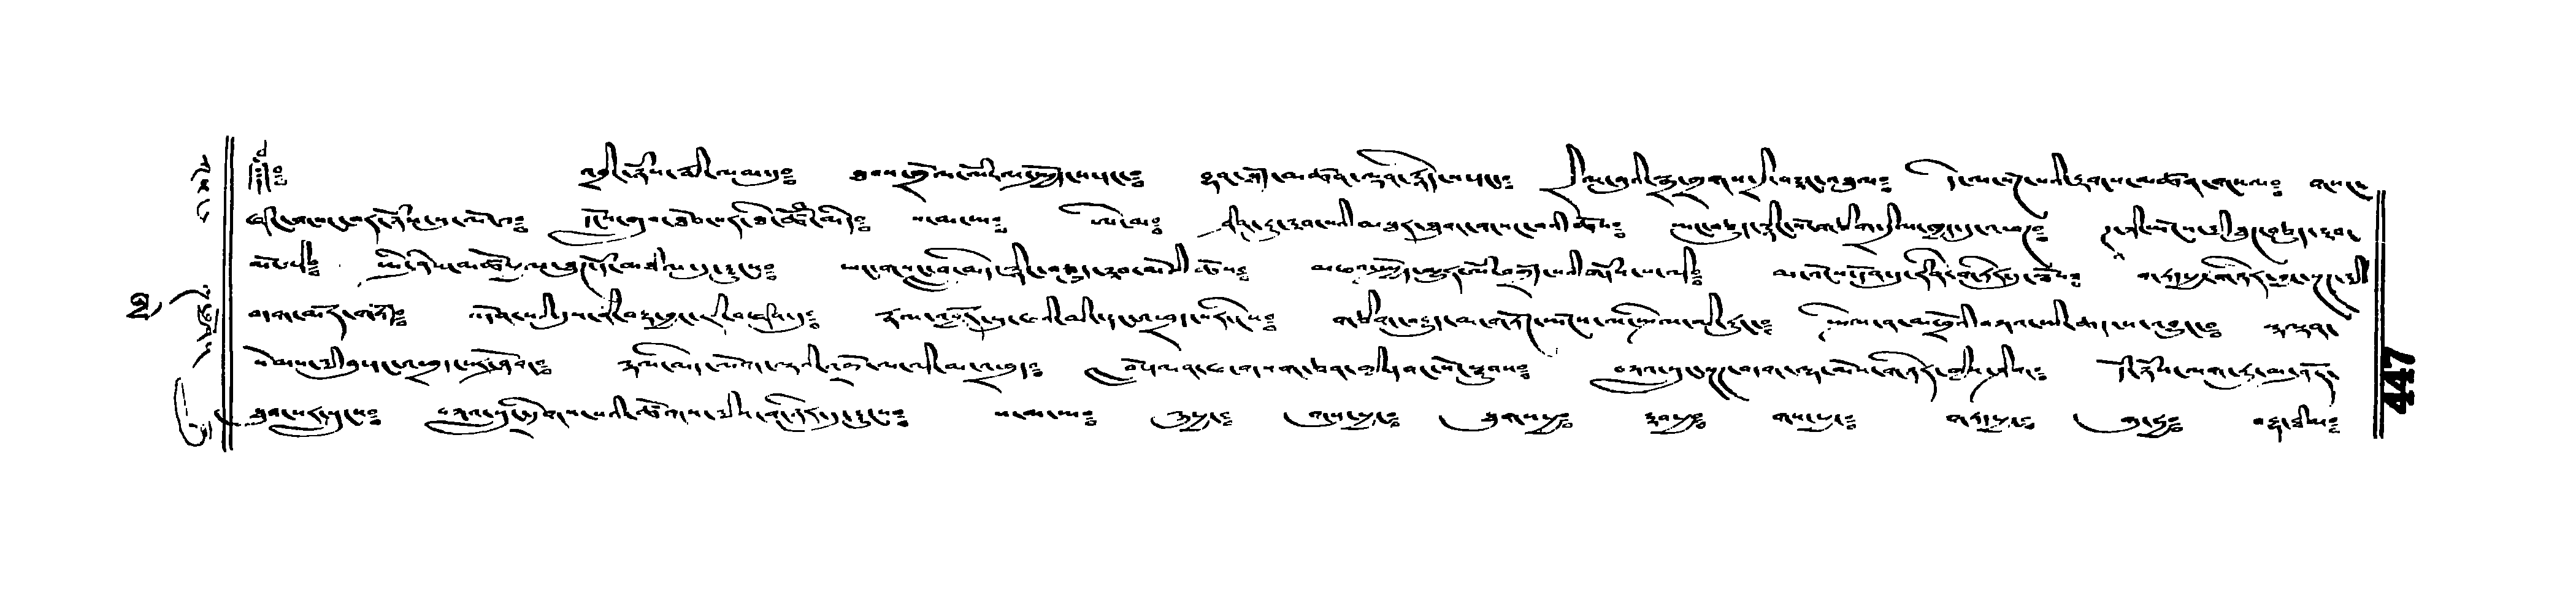འབྲིང་ཉམས་རྨི་ལམ་དུ༔ ཐབས་གྲོལ་ལམ་ལ་སྤྱོད་པ་དང༔ བྷན་ཐོད་མཚན་ལྡན་རྙེད་པ་དང༔ དྲིལ་བུའི་སྒྲ་གྲགས་དྲི་བཟང་འཐུལ༔ དེ་ལ་སོགས་པའི་རྟགས་མཚན་གསལ༔ གསང་
ཞིང་གསང་བར་ཉམས་སུ་ལོངས༔ དངོས་གྲུབ་ཐོབ་པར་ཐེ་ཚོམ་མེད༔ ས་མ་ཡ༔ ཨེ་མ༔ ཤིན་ཏུ་ཟབ་བའི་མཐར་ཐུག་གསང་བའི་ཆོས༔ ཡང་བཅུད་སྙིང་པོ་གཅིག་དྲིལ་ཁྱད་དུ་འཕགས༔ ཌཱ་ཀི་ཡོངས་ཀྱི་ཐུགས་བཅུད་ཟབ་
མོ་འདི༔ ཡེ་ཤེས་མཚོ་རྒྱལ་ཐུགས་དམ་མཐིལ་དུ་ཟུངས༔ ཡང་གསང་བླ་མེད་སྙིང་བཅུད་ཟབ་མོའི་ཆོས༔ མཁའ་སྤྱོད་མྱུར་ལམ་བགྲོད་པའི་གདམས་པ་འདི༔ མ་འོངས་དོན་དུ་རིན་ཆེན་གཏེར་དུ་སྦོས༔ གཏད་རྒྱ་གཉེར་བྱང་སྔགས་ཀྱི་
བདག་མོར་གཏོད༔ འདོན་པའི་དུས་ནི་བརྡ་བྱང་ཇི་བཞིན་དུ༔ རྣལ་འབྱོར་སུ་ཁའི་མིང་དང་འཕྲད་པར་ངེས༔གཅིག་བརྒྱུད་མ་གཏོགས་ཡོངས་ལ་སྤེལ་མི་རུང༔ སྤེལ་ན་མཁའ་འགྲོའི་བཀའ་ཡི་ཆད་པ་འབྱུང༔ སྐལ་ལྡན་
སེམས་ཀྱི་བུ་དང་འཕྲད་པར་ཤོག༔ སྐལ་མེད་ལོག་ལྟའི་འགྲོ་ལ་འདི་མ་འཕྲད༔ བློ་དམན་ཁ་གསག་ཅན་གྱི་དབང་པོ་སྣུབས༔ བཀའ་སྲུང་སྔགས་བདག་ལྷ་མོས་གཉེར་གྱིས་ཤིག༔ དམ་ཉམས་ལག་ཏུ་མ་ཤོར་
ཐུབ་པར་སྲུངས༔ བཀའ་སྲུང་དྲེགས་པའི་ཚོགས་ཀྱིས་གཉེར་དུ་ཟུངས༔ ས་མ་ཡ༔ སྐུ་རྒྱཿ གསུང་རྒྱ༔ ཐུགས་རྒྱ༔ ཟབ་རྒྱ༔ གསང་རྒྱ༔ གཏད་རྒྱ༔ གུ་ཧྱཿ བརྡ་ཐིམ༔